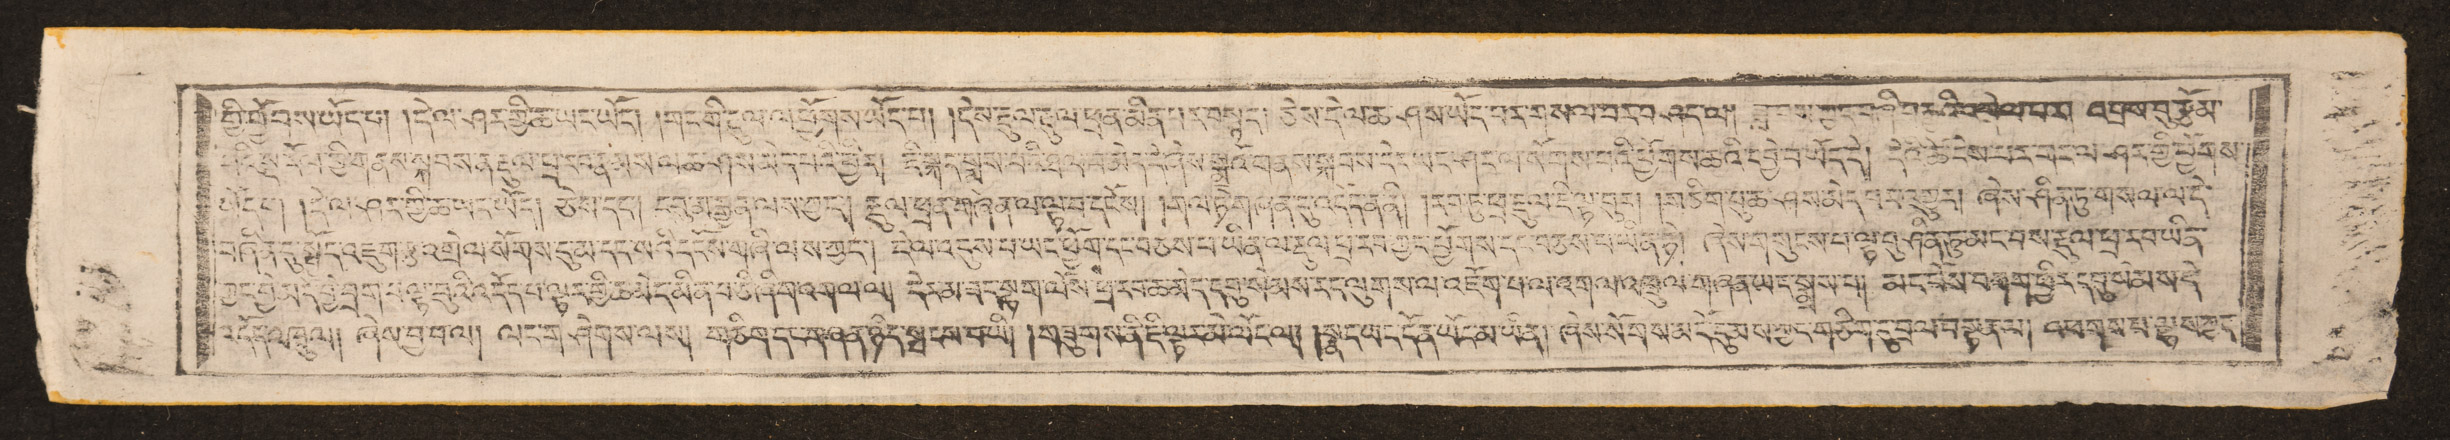གྱི་ཕྱོགས་ཡོད་པ། །དེ་ལ་ཤར་གྱི་ཆ་ཡང་ཡོད། །གང་གི་རྡུལ་ལ་ཕྱོགས་ཡོད་པ། །དེས་རྡུལ་རྡུལ་ཕྲན་མིན་པར་བསྙད། ཅེས་དེ་ལ་ཆ་ཤས་ཡོད་པར་གསལ་བར་བཤད་ལ། ཟླ་བས་ཀྱང་བཞི་བརྒྱའི་འགྲེལ་པར། འབྲས་བུ་རྩེམ་
པའི་སྔ་རོལ་གྱི་གནས་སྐབས་ན་རྡུལ་ཕྲ་རབ་རྣམས་ལ་ཆ་ཤས་མེད་པའི་ཕྱིར། ཇི་སྐད་སྨྲས་པའི་ཐལ་བ་མེད་དེ་ཞེས་སྨྲའོ་གནས་སྐབས་དེར་ཡང་ཤར་ལ་སོགས་པའི་ཕྱོགས་ཆའི་དབྱེ་བ་ཡོད་དེ། དེའི་ཚེ་ངེས་པར་གང་ལ་ཤར་གྱི་ཕྱོགས་
ཡོད་པ། །དེ་ལ་ཤར་གྱི་ཆ་ཡང་ཡོད། ཅེས་དང་། དབུ་མ་རྒྱན་ལས་ཀྱང་། རྡུལ་ཕྲན་གཞན་ལ་ལྟ་བ་དངོས། །གལ་ཏེ་གཞན་དུ་འདོད་ན་ནི། །རབ་ཏུ་ཕྲ་རྡུལ་ཇི་ལྟ་བུར། །གཅིག་པུ་ཆ་ཤས་མེད་པར་འགྱུར། ཞེས་ཤིན་ཏུ་གསལ་ལ་དེ་
བཞིན་དུ་སྤྱོད་འཇུག་རྩ་འགྲེལ་སོགས་དུ་མ་དང་སའི་དངོས་གཞི་ལས་ཀྱང་། དེ་ལ་འདུས་པ་ཡང་ཕྱོགས་དང་བཅས་པ་ཡིན་ལ་རྡུལ་ཕྲ་རབ་ཀྱང་ཕྱོགས་དང་བཅས་པ་ཡིན་ཏེ། ཞེས་གསུངས་པ་ལྟ་བུ་ཤིན་ཏུ་མང་བས་རྡུལ་ཕྲ་རབ་ཡིན་
ཀྱང་བྱེ་མདོ་བྱེ་བྲག་པ་ལྟ་བུའི་འདོད་པ་ལྟར་གྱི་ཆ་མེད་མིན་པ་ཅི་ཞིག་འགལ་ལ། དེར་མ་ཟད་སྟག་ལོས་ཕྲ་རབ་ཆ་མེད་དབུ་སེམས་རང་ལུགས་ལ་འཇོག་པ་ལ་འགལ་འཁྲུལ་གཞན་ཡང་སྨྲས་པ། མང་པོས་བཀག་ཕྱིར་དབུ་སེམས་དེ་
འདོད་འཁྲུལ། ཞེས་བྱ་བ་ལ། ལང་གཤེགས་ལས། གཅིག་དང་གཞན་ཉིད་སྤངས་པ་ཡི། །གཟུགས་ནི་ཇི་ལྟར་མེ་ལོང་ལ། །སྣང་ཡང་དོན་ཡོང་མ་ཡིན། ཞེས་སོགས་མདོ་དུ་མས་ཀྱང་གཅིག་དུ་བྲལ་བསྟན་ལ། འཕགས་པ་ལྷས་ཀྱང་